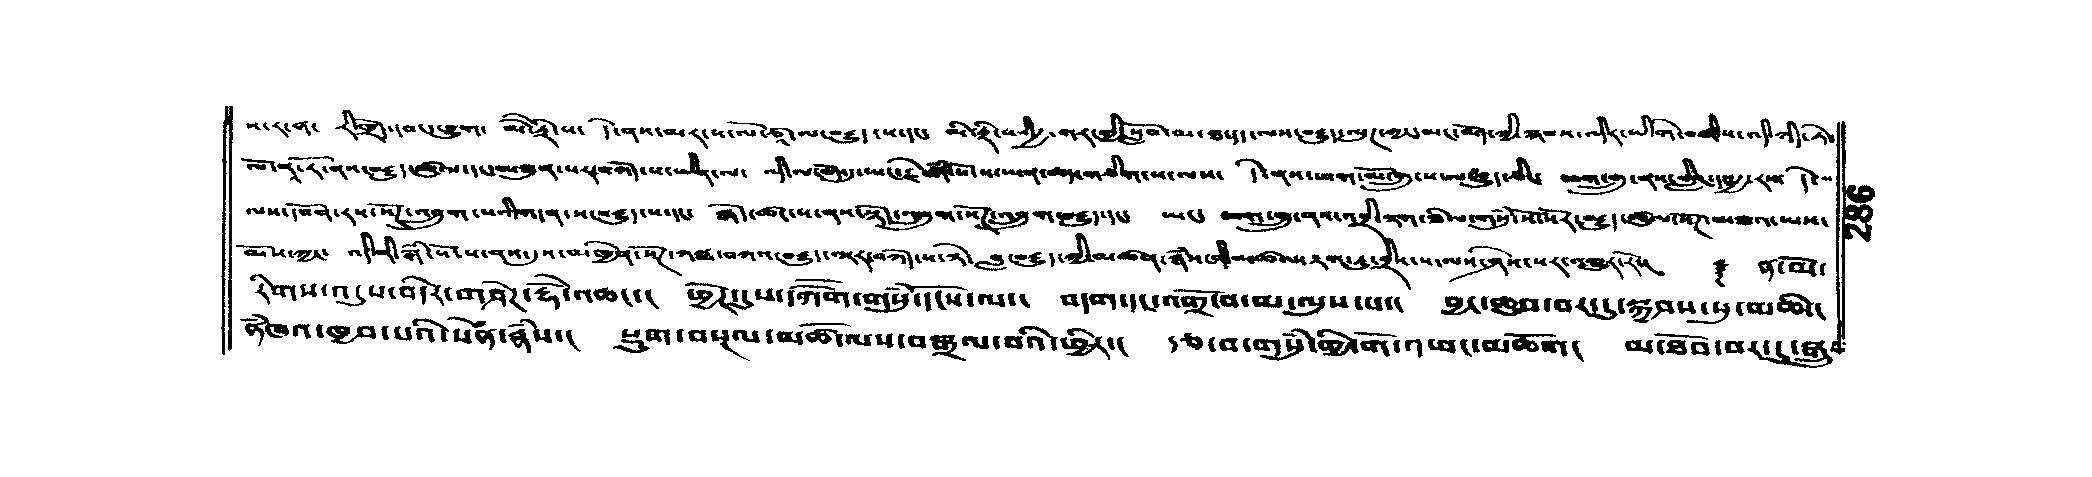ས་ར་ཧ། རི་ཁྲོད་དབང་ཕྱུག མཻ་ཏྲི་པ། དེ་ནས་མར་པ་ལོ་ཙཱ་ལས་བརྒྱད་པ་དང་། མེ་ཏྲི་པའི་རྒྱ་གར་གྱི་སློབ་མ་ཐ་དད་ལས་བརྒྱུད་ལུགས་ཀྱང་མང་མོད་ཀྱི་སྐབས་འདིར་ཡི་གེ་བཞི་པ་འདི་ཉིད་ཏེ་
ལོ་ནཱ་རོ་ནས་བརྒྱུད་ཚུལ་དང་མཐུན་པར་བཀོད་པ་ཡིན་ལ། འདི་ལ་བོད་དུ་ཡང་རྗེ་སྒམ་པོ་པ་ཡན་ཆད་གཅིག་པ་ལས། དེ་ནས་ཕག་མོ་གྲུབ་པ་ལ་བརྒྱུད་ཅིང་། ཕག་གྲུ་ནས་གླིང་རྒྱ་རས། དེ་
ལས་དབོན་རས་སོགས་འབྲུག་པའི་གདན་ས་བརྒྱུད་པ་དང་། རྒོད་ཚང་པ་ནས་སྟོད་འབྲུག་སོགས་འབྲུག་བརྒྱུད་དང་། ཡང་། ཕག་གྲུ་ནས་འབྲི་སྟག་ཐིལ་གསུམ་སོ་སོར་བརྒྱུད་ཚུལ་སོགས་མཐའ་ཡས་
མོད་ཀྱང་། འདི་ནི་སྒམ་པོ་པ་ནས་དུས་མཁྱེན་སོགས་ཀརྨ་བཀའ་བརྒྱུད་ལྟར་བཀོད་པ་སྟེ།བླ་བརྒྱུད་ཀྱི་མཚན་རྣམས་ནི་མཚལ་སྣག་ཏུ་བྲིས་པ་ལས་ཤེས་པར་འགྱུར་རོ།། ༈ ན་མོ། 
རིགས་འདུས་བདེ་གཤེགས་རྡོ་རྗེ་འཆང་། །ཕྱོགས་དུས་དཀོན་མཆོག་གསུམ་དངོས་ལ། །བདག་དང་འགྲོ་བ་མ་ལུས་པ། །བྱང་ཆུབ་བར་དུ་སྐྱབས་སུ་མཆི། །
ནམ་མཁའ་ཁྱབ་པའི་སེམས་ཅན་རྣམས། །སྡུག་བསྔལ་མཚོ་ལས་བསྒྲལ་བའི་ཕྱིར། །རྩ་བ་གསུམ་གྱི་གོ་འཕང་མཆོག མ་ཐོབ་བར་དུ་སྒྲུབ་